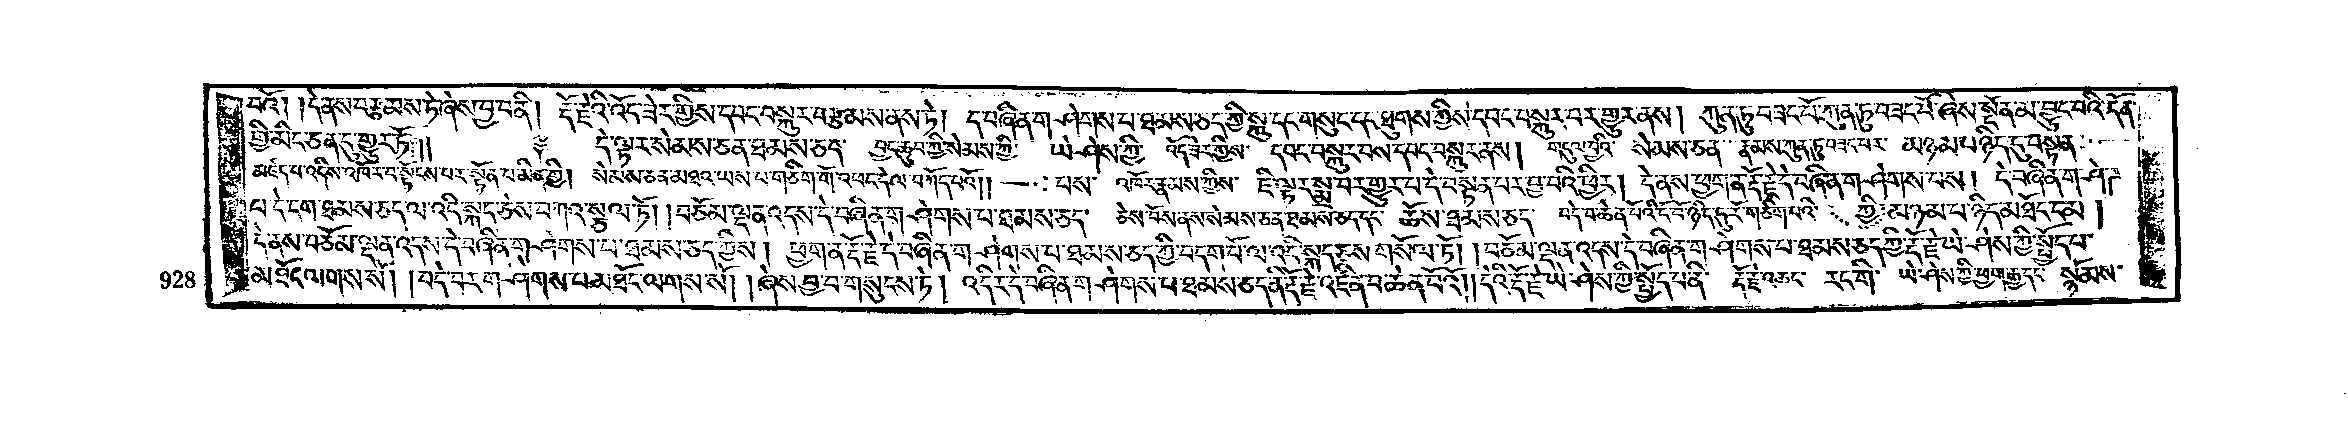བའོ། །དེ་ནས་བརྩམས་ཏེ་ཞེས་བྱ་བ་ནི། རྡོ་རྗེའི་འོད་ཟེར་གྱིས་དབང་བསྐུར་བརྩམས་ནས་ཏེ། དེ་བཞིན་གཤེགས་པ་ཐམས་ཅད་ཀྱི་སྐུ་དང་གསུང་དང་ཐུགས་ཀྱིས་དབང་བསྐུར་བར་གྱུར་ནས། ཀུན་ཏུ་བཟང་པོ་ཀུན་ཏུ་བཟང་པོ་ཞེས་སྔོན་མ་བྱུང་བའི་དོན་
གྱི་མིང་ཅན་དུ་གྱུར་ཏོ།། ༈ དེ་ལྟར་སེམས་ཅན་ཐམས་ཅད་བྱང་ཆུབ་ཀྱི་སེམས་ཀྱི་ཡེ་ཤེས་ཀྱི་འོད་ཟེར་གྱིས་དབང་བསྐུར་བས་དབང་བསྐུར་ནས། གདུལ་བྱའི་སེམས་ཅན་རྣམས་ཀུན་ཏུ་བཟང་པོར་མཉམ་པ་ཉིད་དུ་བསྟནཿ
མཛད་པ་འདིས་འཁོར་བ་སྟོངས་པར་སྟོན་པ་མིན་གྱི། སེམས་ཅན་མཐའ་ཡས་པ་གཅིག་གོ་འཕང་དེ་ལ་བཀོད་པའོ།།  .Hཔས་འཁོར་རྣམས་ཀྱིས་ཇི་ལྟར་སྨྲ་བར་གྱུར་པ་དེ་བསྟན་པར་བྱ་བའི་ཕྱིར། དེ་ནས་ཕྱག་ན་རྡོ་རྗེ་དེ་བཞིན་གཤེགས་པས། དེ་བཞིན་གཤེགས་
པ་དེ་དག་ཐམས་ཅད་ལ་འདི་སྐད་ཅེས་བཀའ་སྩལ་ཏོ། །བཅོམ་ལྡན་འདས་དེ་བཞིན་གཤེགས་པ་ཐམས་ཅད་ཅེས་བོས་ནས་སེམས་ཅན་ཐམས་ཅད་དང་ཆོས་ཐམས་ཅད་བདེ་བ་ཆེན་པོའི་ངོ་བོ་ཉིད་དུ་རོ་གཅིག་པའི་ཀྱི་མཉམ་པ་ཉིད་མཐོང་ངམ་།
དེ་ནས་བཅོམ་ལྡན་འདས་དེ་བཞིན་གཤེགས་པ་ཐམས་ཅད་ཀྱིས། ཕྱག་ན་རྡོ་རྗེ་དེ་བཞིན་གཤེགས་པ་ཐམས་ཅད་ཀྱི་བདག་པོ་ལ་འདི་སྐད་ཅས་གསོལ་ཏོ། །བཅོམ་ལྡན་འདས་དེ་བཞིན་གཤེགས་པ་ཐམས་ཅད་ཀྱི་རྡོ་རྗེ་ཡེ་ཤེས་ཀྱི་སྤྱོད་པ་
མཐོང་ལགས་སོ། །བདེ་བར་གཤེགས་པ་མཐོང་ལགས་སོ། །ཞེས་བྱ་བ་གསུངས་ཏེ། འདིར་དེ་བཞིན་གཤེགས་པ་ཐམས་ཅད་ནི་རྡོ་རྗེ་འཛིན་པ་ཆེན་པོའོ། །དེའི་རྡོ་རྗེ་ཡེ་ཤེས་ཀྱི་སྤྱོད་པ་ནི་རྡོ་རྗེ་འཆང་རང་གི་ཡེ་ཤེས་ཀྱི་ཕྱག་རྒྱ་དང་སྙོམས་